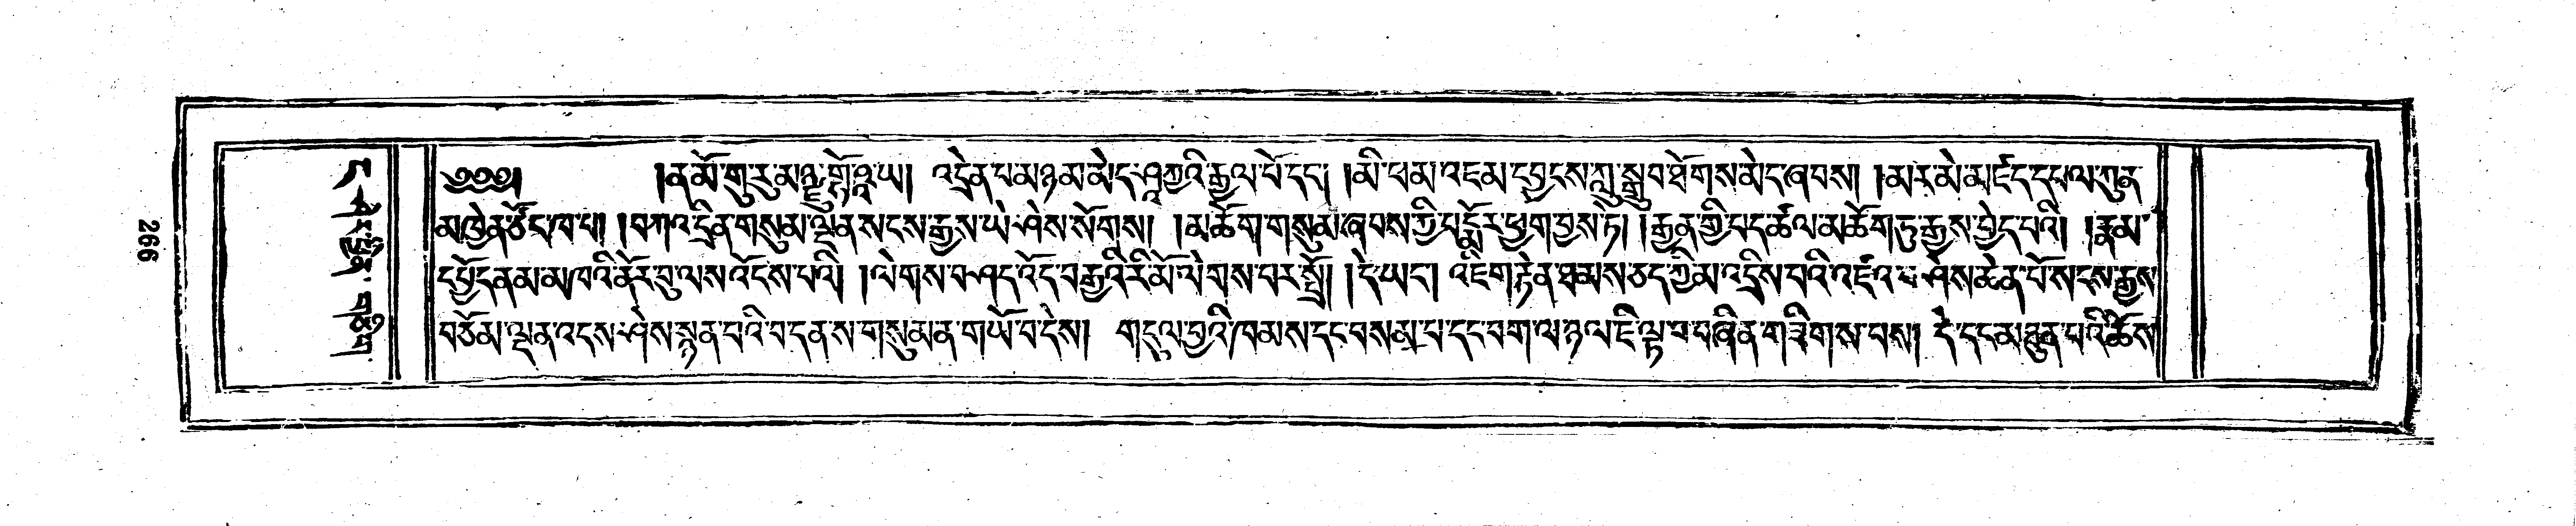༄༅༅། །ན་མོ་གུ་རུ་མཉྫུ་གྷོ་ཥཱ་ཡ། འདྲེན་པ་མཉམ་མེད་ཤཱཀྱའི་རྒྱལ་པོ་དང་། །མི་ཕམ་འཇམ་དབྱངས་ཀླུ་སྒྲུབ་ཐོགས་མེད་ཞབས། །མར་མེ་མཛད་དཔལ་ཀུན་
མཁྱེན་ཙོང་ཁ་པ། །བཀའ་དྲིན་གསུམ་ལྡན་སངས་རྒྱས་ཡེ་ཤེས་སོགས། །མཆོག་གསུམ་ཞབས་ཀྱི་པདམོར་ཕྱག་བྱས་ཏེ། །རྒྱན་གྱི་པད་ཚལ་མཆོག་ཏུ་རྒྱས་བྱེད་པའི། །རྣམ་
དཔྱོད་ནམ་མཁའི་ནོར་བུ་ལས་འོངས་པའི། །ལེགས་བཤད་འོད་བརྒྱའི་རི་མོ་ལེགས་པར་སྤྲོ། །དེ་ཡང་། འཇིག་རྟེན་ཐམས་ཅད་ཀྱི་མ་འདྲིས་པའི་འཛའ་བཤེས་ཆེན་པོ་སངས་རྒྱས་
བཅོམ་ལྡན་འདས་ཤེས་སྙན་པའི་བ་དན་ས་གསུམ་ན་གཡོ་བ་དེས། གདུལ་བྱའི་ཁམས་དང་བསམ་པ་དང་བག་ལ་ཉལ་ཇི་ལྟ་བ་བཞིན་གཟིགས་པས། དེ་དང་མཐུན་པའི་ཆོས་